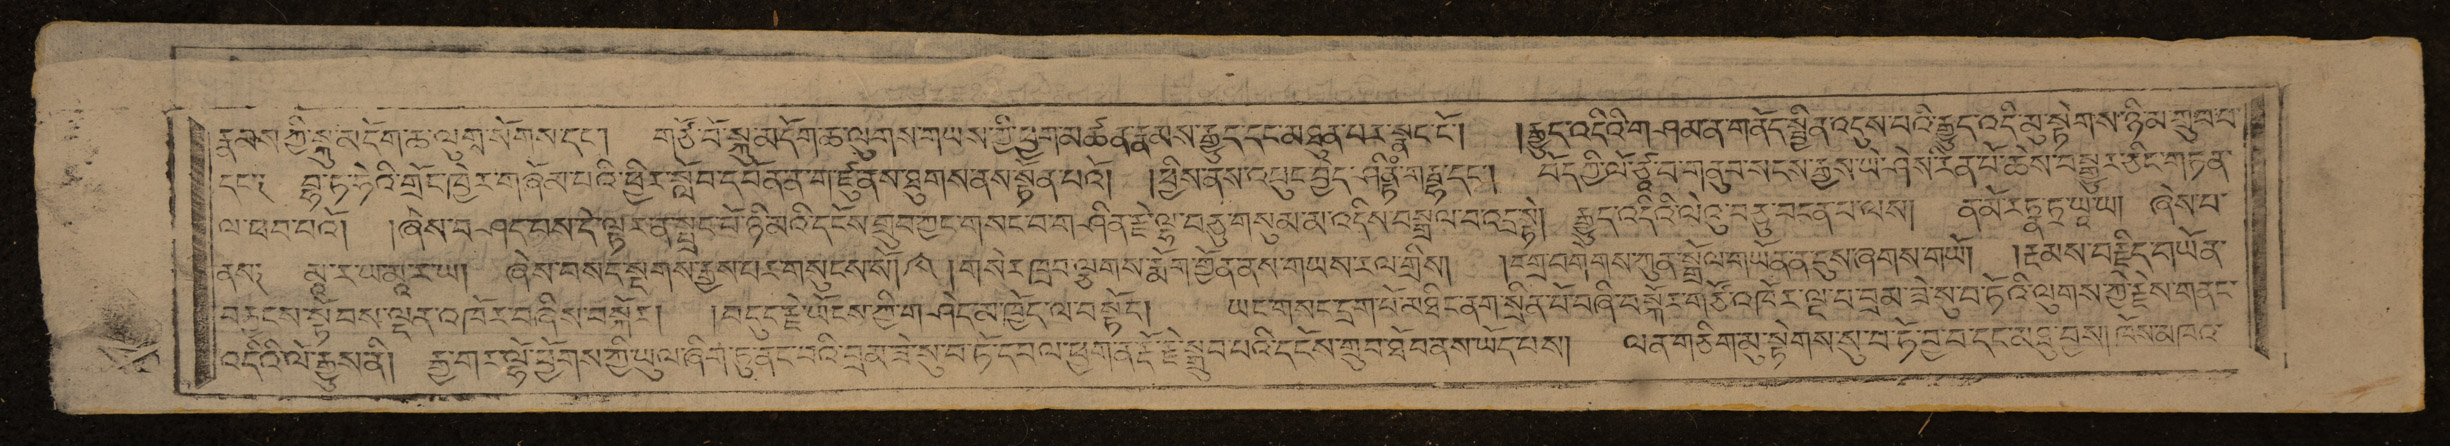རྣམས་ཀྱི་སྐུ་མདོག་ཆ་ལུགས་སོགས་དང་། གཙོ་བོ་སྐུ་མདོག་ཆ་ལུགས་གཡས་ཀྱི་ཕྱག་མཚན་རྣམས་རྒྱུད་དང་མཐུན་པར་སྣང་ངོ། །རྒྱུད་འདིའི་གཤམ་ན་གནོད་སྦྱིན་འདུས་བའི་རྒྱུད་འདི་མུ་སྟེགས་ཉི་མ་གྲུབ་པ་
དང༑ བྷ་ཏ་ཧེའི་གྲོང་ཁྱེར་གཞོམ་པའི་ཕྱིར་སློབ་དཔོན་ན་ག་ཛུ་ནས་ཐུགས་ནས་སྟོན་པའོ། །ཕྱིས་ནས་འཕུང་བྱེད་ཤནྟིཾ་གརྦྷ་དང་། བོད་ཀྱི་ལོ་ཙཱ་བ་གནུབ་སངས་རྒྱས་ཡེ་ཤེས་རིན་པོ་ཆེས་བསྒྱུར་ཅིར་གཏན་
ལ་ཕབ་པའོ། །ཞེས་བཤད་པས་དེ་ལྟར་ན་སྤྲང་པོ་ཉི་མའི་དངོས་གྲུབ་ཀྱང་གསང་བ་གཤིན་རྗེ་ལྷ་བཅུ་གསུམ་མ་འདིས་བསྒྲལ་བ་འདྲ་སྟེ། རྒྱུད་འདིའི་ལེའུ་བཅུ་བདན་པ་ལས། ན་མོ་རཏྣ་ཏྲ་ཡཱ་ཡ། ཞེས་པ་
ནས༑ མཱ་ར་ཡ་མཱ་ར་ཡ། ཞེས་བསད་སྔགས་རྒྱས་པར་གསུངས་སོ། ༨?་།གསེར་ཁྲབ་ལྕགས་རྨོག་གྱོན་ནས་གཡས་རལ་གྲིས། །དགྲ་བགེགས་ཀུན་སྒྲོལ་གཡོན་ན་དུས་ཞགས་གཡོ། །རྔམས་བརྗིད་གཡོན་
བརྒྱངས་སྟོབས་ལྡན་འཁོར་བཞིས་བསྐོར། །བདུད་རྗེ་ཡོངས་ཀྱི་གཤེད་མ་ཁྱོད་ལ་བསྟོད། ཡང་གསང་དྲག་པོ་མཐིང་ནག་སྲིན་པོ་བཞི་བསྐོར་གཙོ་འཁོར་ལྔ་པ་བྲམ་ཟེ་སུ་བ་ཏོའི་ལུགས་ཀྱི་རྗེས་གནང་
འདིའི་ལོ་རྒྱུས་ནི། རྒྱ་གར་ལྷོ་ཕྱོགས་ཀྱི་ཡུལ་ཞིག་ཏུ་ནང་བའི་བྲམ་ཟེ་སུ་བ་ཏོ་དཔལ་ཕྱག་ན་རྡོ་རྗེ་སྒྲུབ་པའི་དངོས་གྲུབ་ཐོབ་ནས་ཡོད་པས། ལན་གཅིག་མུ་སྟེགས་སུ་བ་ཏོ་བྱ་བ་དང་མཐུ་བྱས། ཁོས་མཁའ་